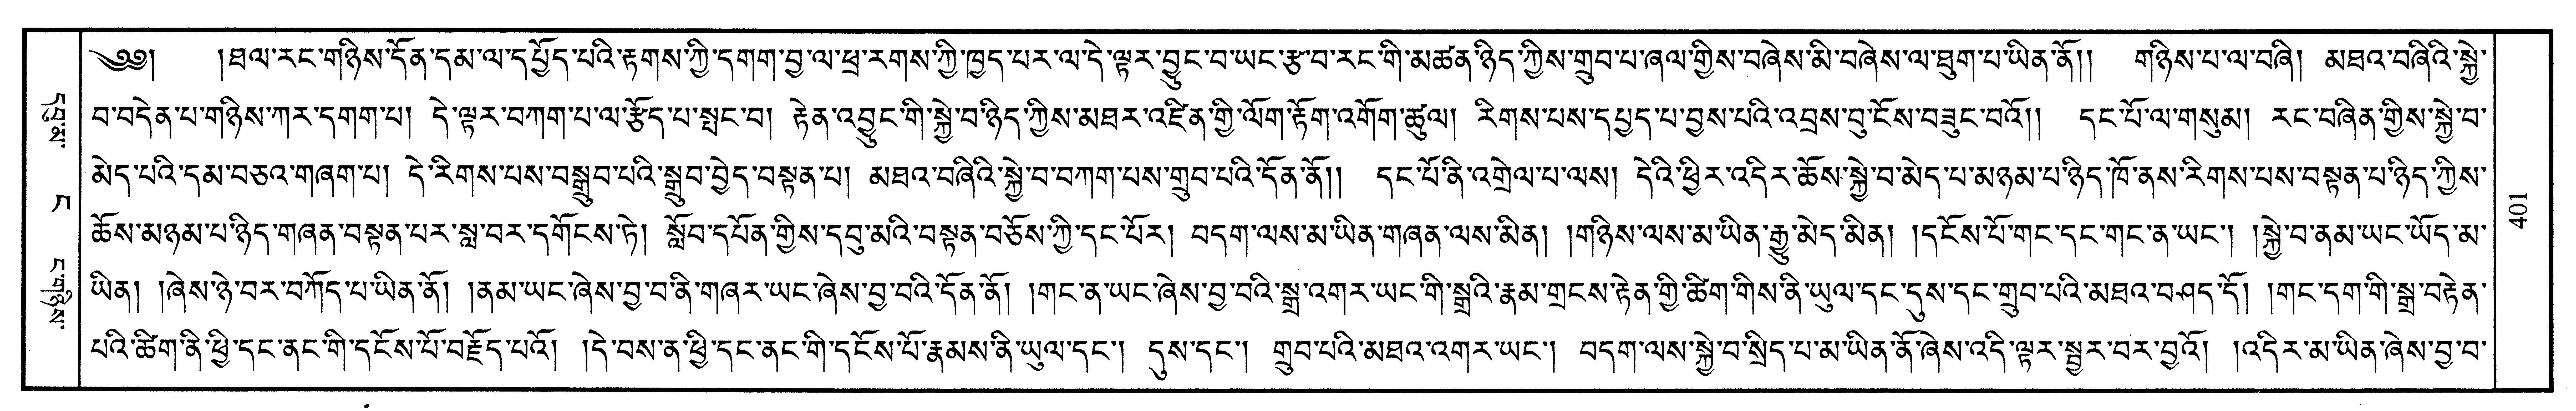༄༅། །ཐལ་རང་གཉིས་དོན་དམ་ལ་དཔྱོད་པའི་རྟགས་ཀྱི་དགག་བྱ་ལ་ཕྲ་རགས་ཀྱི་ཁྱད་པར་ལ་དེ་ལྟར་བྱུང་བ་ཡང་རྩ་བ་རང་གི་མཚན་ཉིད་ཀྱིས་གྲུབ་པ་ཞལ་གྱིས་བཞེས་མི་བཞེས་ལ་ཐུག་པ་ཡིན་ནོ།། གཉིས་པ་ལ་བཞི། མཐའ་བཞིའི་སྐྱེ་
བ་བདེན་པ་གཉིས་ཀར་དགག་པ། དེ་ལྟར་བཀག་པ་ལ་རྩོད་པ་སྤང་བ། རྟེན་འབྱུང་གི་སྐྱེ་བ་ཉིད་ཀྱིས་མཐར་འཛིན་གྱི་ལོག་རྟོག་འགོག་ཚུལ། རིགས་པས་དཔྱད་པ་བྱས་པའི་འབྲས་བུ་ངོས་བཟུང་བའོ།། དང་པོ་ལ་གསུམ། རང་བཞིན་གྱིས་སྐྱེ་བ་
མེད་པའི་དམ་བཅའ་གཞག་པ། དེ་རིགས་པས་བསྒྲུབ་པའི་སྒྲུབ་བྱེད་བསྟན་པ། མཐའ་བཞིའི་སྐྱེ་བ་བཀག་པས་གྲུབ་པའི་དོན་ནོ།། དང་པོ་ནི་འགྲེལ་པ་ལས། དེའི་ཕྱིར་འདིར་ཆོས་སྐྱེ་བ་མེད་པ་མཉམ་པ་ཉིད་ཁོ་ནས་རིགས་པས་བསྟན་པ་ཉིད་ཀྱིས་
ཆོས་མཉམ་པ་ཉིད་གཞན་བསྟན་པར་སླ་བར་དགོངས་ཏེ། སློབ་དཔོན་གྱིས་དབུ་མའི་བསྟན་བཅོས་ཀྱི་དང་པོར། བདག་ལས་མ་ཡིན་གཞན་ལས་མིན། །གཉིས་ལས་མ་ཡིན་རྒྱུ་མེད་མིན། །དངོས་པོ་གང་དང་གང་ན་ཡང་། །སྐྱེ་བ་ནམ་ཡང་ཡོད་མ་
ཡིན། །ཞེས་ཉེ་བར་བཀོད་པ་ཡིན་ནོ། །ནམ་ཡང་ཞེས་བྱ་བ་ནི་གཞར་ཡང་ཞེས་བྱ་བའི་དོན་ནོ། །གང་ན་ཡང་ཞེས་བྱ་བའི་སྒྲ་འགར་ཡང་གི་སྒྲའི་རྣམ་གྲངས་རྟེན་གྱི་ཚིག་གིས་ནི་ཡུལ་དང་དུས་དང་གྲུབ་པའི་མཐའ་བཤད་དོ། །གང་དག་གི་སྒྲ་བརྟེན་
པའི་ཚིག་ནི་ཕྱི་དང་ནང་གི་དངོས་པོ་བརྗོད་པའོ། །དེ་བས་ན་ཕྱི་དང་ནང་གི་དངོས་པོ་རྣམས་ནི་ཡུལ་དང་། དུས་དང་། གྲུབ་པའི་མཐའ་འགར་ཡང་། བདག་ལས་སྐྱེ་བ་སྲིད་པ་མ་ཡིན་ནོ་ཞེས་འདི་ལྟར་སྦྱར་བར་བྱའོ། །འདིར་མ་ཡིན་ཞེས་བྱ་བ་